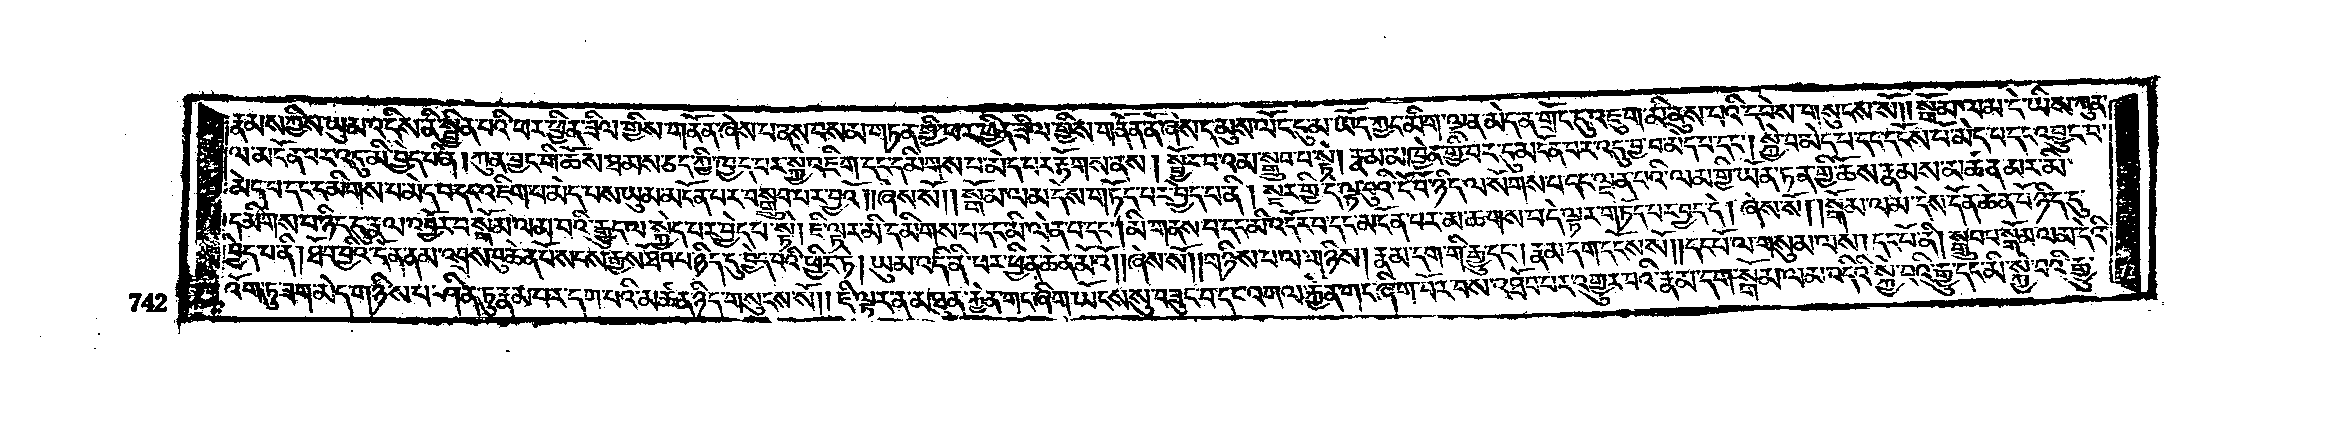རྣམས་ཀྱིས་ཡུམ་འདིས་ནི་སྦྱིན་པའི་ཕར་ཕྱིན་ཟིལ་གྱིས་གནོན་ཞེས་པ་ནས་བསམ་གཏན་གྱི་ཕར་ཕྱིན་ཟིལ་གྱིས་གནོན་ནོ་ཞེས་དམུས་ལོང་དུ་མ་ཡོད་ཀྱང་མིག་ལྡན་མེད་ན་གྲོང་དུ་འཇུག་མི་ནུས་པའི་དཔེས་གསུངས་སོ། །སྒོམ་ལམ་དེ་ཡིས་ཀུན་
ལ་མངོན་པར་འདུ་མི་བྱེད་པ་ནི། ཀུན་བྱང་གི་ཆོས་ཐམས་ཅད་ཀྱི་ཁྱད་པར་སྐྱེ་འཇིག་དང་དམིགས་པ་མེད་པར་རྟོགས་ནས། སྦྱོར་བ་འམ་སྒྲུབ་པ་སྟེ། རྣམ་མཁྱེན་གྱི་བར་དུ་མངོན་པར་འདུ་བྱ་བ་མེད་པ་དང་། སྐྱེ་བ་མེད་པ་དང་དངོས་པོ་མེད་པ་དང་འབྱུང་བ་
མེད་པ་དང་དམིགས་པ་མེད་པ་དང་འཇིག་པ་མེད་པས་ཡུམ་མངོན་པར་བསྒྲུབ་པར་བྱའོ། །ཞེས་སོ། །སྒོམ་ལམ་དེས་གཏོད་པར་བྱེད་པ་ནི། སྔར་གྱི་དེ་ལྟ་བུའི་ངོ་བོ་ཉིད་ལ་སོགས་པ་དང་ལྡན་པའི་ལམ་གྱི་ཡོན་ཏན་གྱི་ཆོས་རྣམས་མཚན་མར་མི་
དམིགས་པ་ཉིད་དུ་རྣལ་འབྱོར་པ་སྒོམ་ལམ་པའི་རྒྱུད་ལ་སྐྱེད་པར་བྱེད་པ་སྟེ། ཇི་ལྟར་མི་དམིགས་པ་དང་མི་ལེན་པ་དང་། མི་གནས་པ་དང་མི་འདོར་བ་དང་མངོན་པར་མ་ཆགས་པ་དེ་ལྟར་གཏོད་པར་བྱད་དེ། ཞེས་སོ། །སྒོམ་ལམ་དེས་དོན་ཆེན་པོ་ཉིད་དུ་
བྱེད་པ་ནི། ཐོབ་བྱའི་དོན་ནམ་འབྲས་བུ་ཆེན་པོ་སངས་རྒྱས་ཐོབ་པ་ཉིད་དུ་བྱེད་པའི་ཕྱིར་ཏེ། ཡུམ་འདི་ནི་ཕར་ཕྱིན་ཆེན་མོའོ། །ཞེས་སོ། །གཉིས་པ་ལ་གཉིས། རྣམ་དག་གི་རྒྱུ་དང་། རྣམ་དག་དངོས་སོ། །དང་པོ་ལ་གསུམ་ལས། དང་པོ་ནི། སྒྲུབ་པ་སྒོམ་ལམ་དེའི་
འོག་ཏུ་ཟག་མེད་གཉིས་པ་ཤིན་ཏུ་རྣམ་པར་དག་པའི་མཚན་ཉིད་གསུངས་སོ། །ཇི་ལྟར་ན་མཐུན་རྐྱེན་གང་ཞིག་ཡོངས་སུ་བཟུང་བ་དང་འགལ་རྐྱེན་གང་ཞིག་བོར་བས་འཐོབ་པར་འགྱུར་བའི་རྣམ་དག་སྒོམ་ལམ་འདིའི་སྐྱེ་བའི་རྒྱུ་དང་མི་སྐྱེ་བའི་རགཡ་